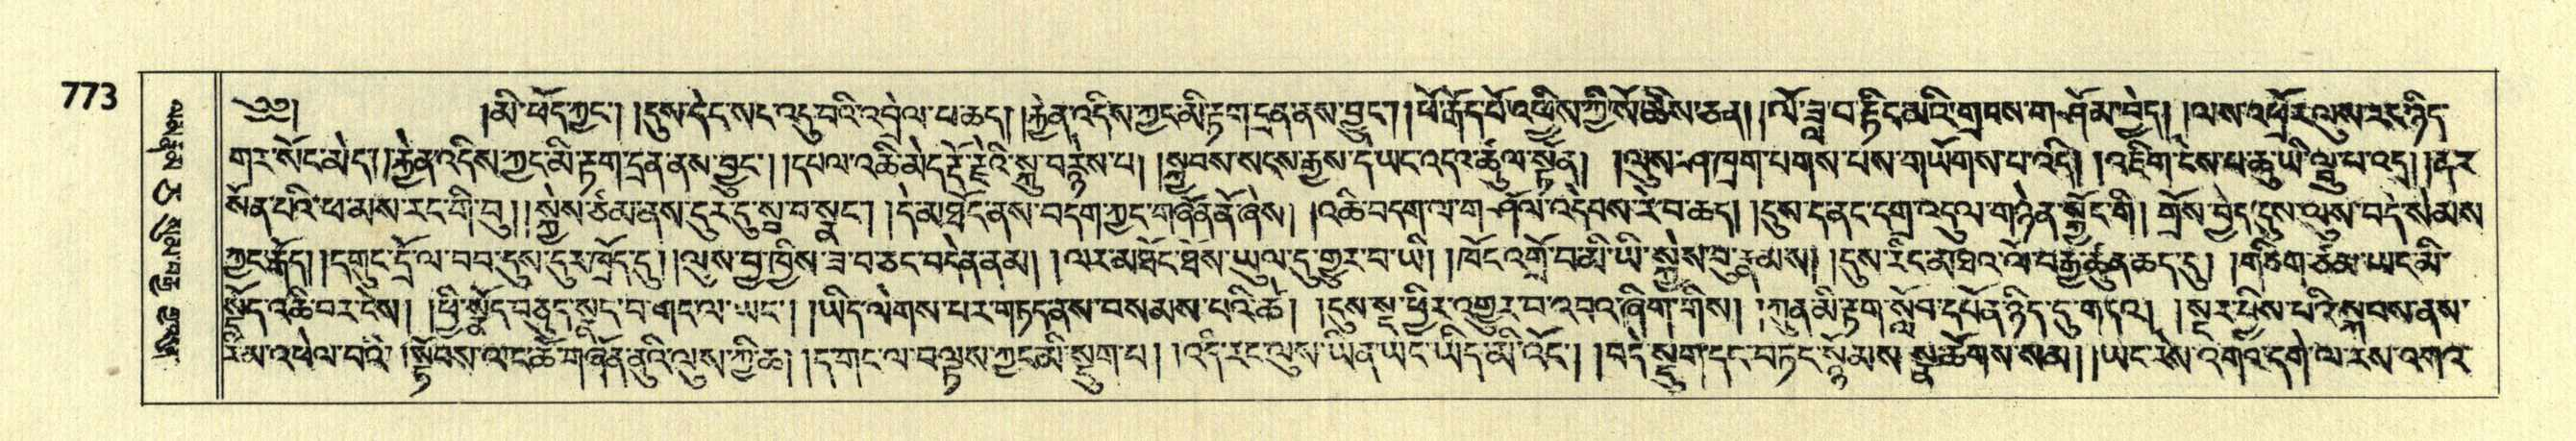༄༅། །མི་ཕོད་ཀྱང་། །དུས་དེང་སང་འདུ་པའི་འབྲེལ་པ་ཆད། །རྐྱེན་འདིས་ཀྱང་མི་རྟག་དྲན་ནས་བྱུང་། །ཕོ་རྒོད་པོ་འཕྱིས་ཀྱི་སོ་ཆིས་ཅན། །ལོ་ཟླ་བ་རྟིང་མའི་གྲབས་གཤོམ་བྱེད། །ལས་འཕྲོར་ལུས་རང་ཉིད་
གར་སོང་མེད། །རྐྱེན་འདིས་ཀྱང་མི་རྟག་དྲན་ནས་བྱུང་། །དཔལ་འཆི་མེད་རྡོ་རྗེའི་སྐུ་བརྙེས་པ། །སྐྱབས་སངས་རྒྱས་དེ་ཡང་འདའ་ཚུལ་སྟོན། །ལུས་ཤ་ཁྲག་པགས་པས་གཡོགས་པ་འདི། །འཇིག་ངེས་པ་ཆུ་ཡི་ལྦུ་པ་འདྲ། །ནར་
སོན་པའི་ཕ་མས་རང་གི་བུ། །སྐྱེས་ཙམ་ནས་དུར་དུ་སྦ་བ་སྣང་། །དེ་མཐོང་ནས་བདག་ཀྱང་གཞོན་ནོ་ཞེས། །འཆི་བདག་ལ་གཤོལ་འདེབས་རེ་བ་ཆད། །དུས་ད་ནང་དགྲ་འདུལ་གཉེན་སྐྱོང་གི། གྲོས་བྱེད་དུས་ལུས་བདེ་སེམས་
ཀྱང་རྒོད། །དགུང་དྲོ་ལ་བབ་དུས་དུར་ཁྲོད་དུ། །ལུས་བྱ་ཁྱིས་ཟ་བཅང་བདེན་ནམ། །ལར་མཐོང་ཐོས་ཡུལ་དུ་གྱུར་བ་ཡི། །ཁོང་འགྲོ་བ་མི་ཡི་སྐྱེས་བུ་རྣམས། །དུས་རིང་མཐའ་ལོ་བརྒྱ་ཚུན་ཆད་དུ། །གཅིག་ཙམ་ཡང་མི་
སྡོད་འཆི་བར་ངེས། །ཕྱི་སྣོད་བཅུད་སྣང་བ་གང་ལ་ཡང་། །ཡིད་ལེགས་པར་གཏད་ནས་བསམས་པའི་ཆེ། །དུས་སྔ་ཕྱིར་འགྱུར་བ་འབའ་ཞིག་གིས། །ཀུན་མི་རྟག་སློབ་དཔོན་ཉིད་དུ་གདའ། །སྔར་ཕྱིས་པའི་སྐབས་ནས་
རིམ་འཕེལ་བའི། །སྟོབས་ལང་ཆོ་གཞོན་ནུའི་ལུས་ཀྱི་ཆ། །ད་གང་ལ་བལྟས་ཀྱང་མི་སྡུག་པ། །འདི་རང་ལུས་ཡིན་ཡང་ཡིད་མི་འོང་། །བདེ་སྡུག་དང་བཏང་སྙོམས་སྣ་ཆོགས་སམ། །ཡང་རེས་འགའ་དགེ་ལ་རས་འགའ་